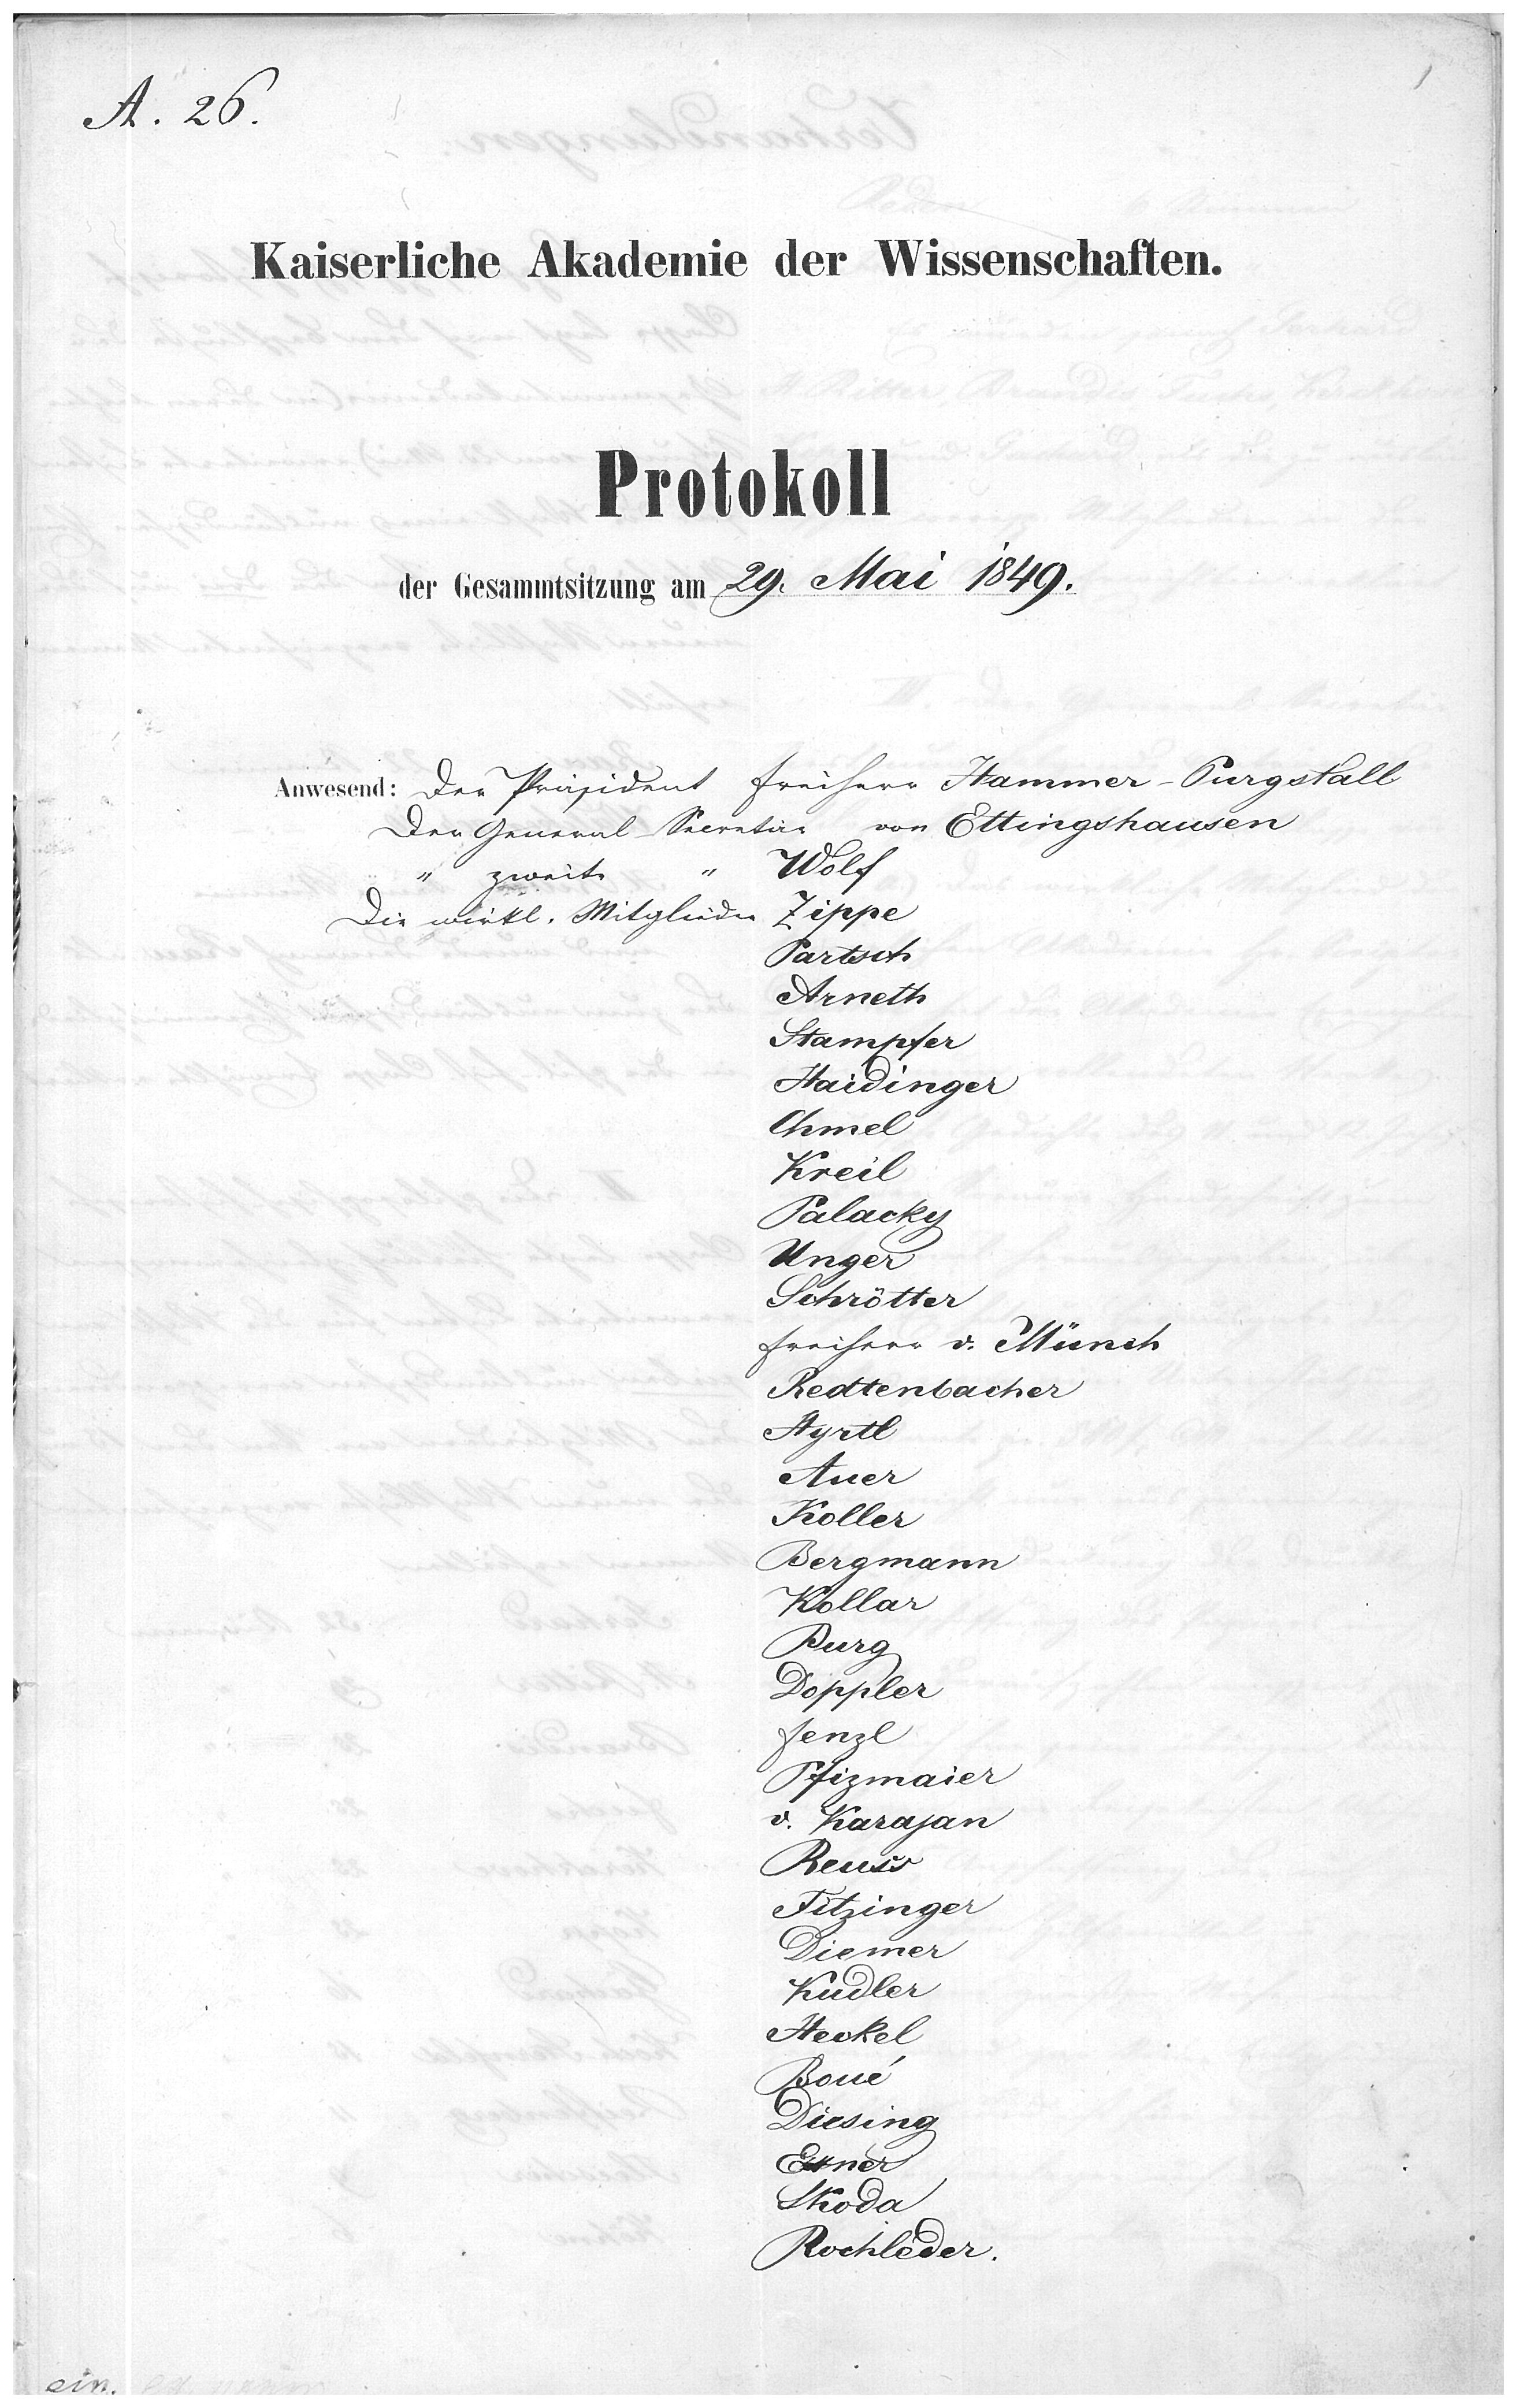A. 26.
Kaiserliche Akademie der Wissenschaften.
Protokoll
der Gesammtsitzung am 29. Mai 1849.
der Präsident Freiherr Hammer-Purgstall
Anwesend:
Der General-Secretär von Ettingshausen
" zweite " Wolf
Die wirkl. Mitglieder Zippe
Partsch
Arneth
Stampfer
Haidinger
Chmel
Kreil
Palacky
Unger
Schrötter
Freiherr v. Münch
Redtenbacher
Hyrtl
Auer
Koller
Bergmann
Kollar
Burg
Doppler
Fenzl
Pfizmaier
v. Karajan
Reuss
Fitzinger
Diemer
Kudler
Heckel
Boué
Diesing
Exner
Skoda
Rochleder